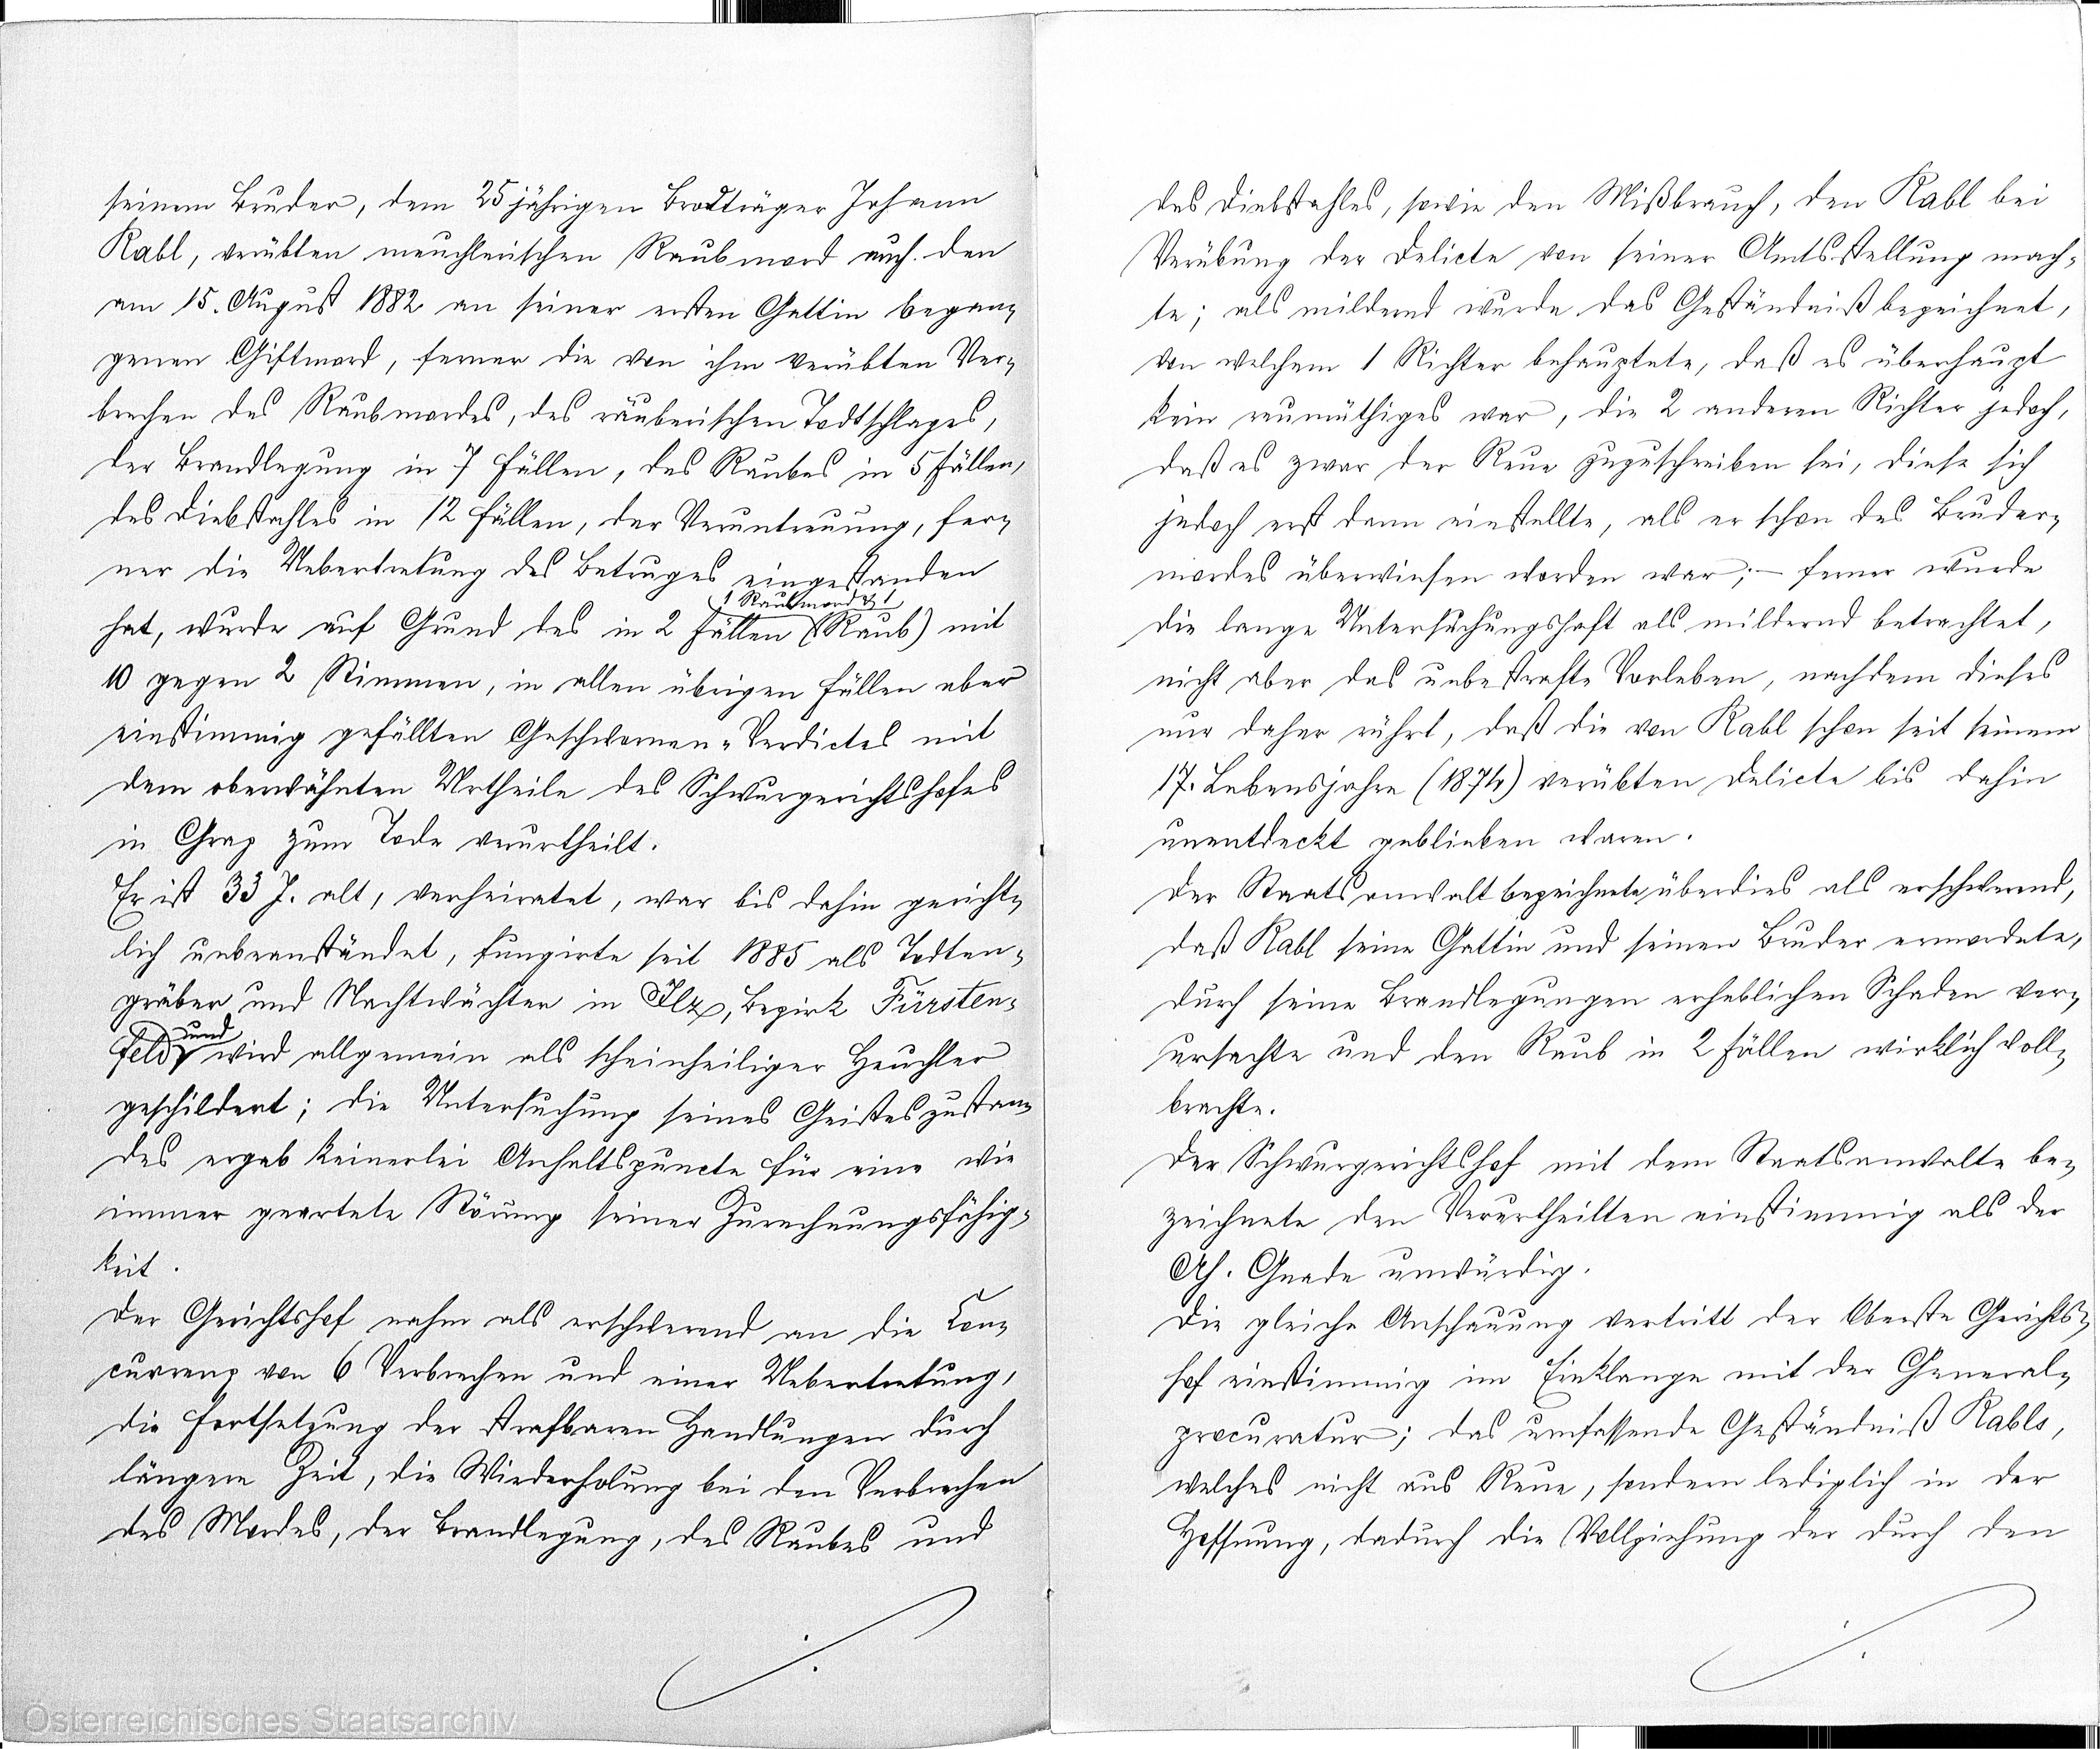seinem Bruder, dem 25jährigen Brodträger Johann
Rabl, verübten meuchlerischen Raubmord auch den
am 15. August 1882 an seiner ersten Gattin began¬
genen Giftmord, ferner die von ihm verübten Ver¬
brechen des Raubmordes, des räuberischen Todtschlages,
der Brandlegung in 7 Fällen, des Raubes in 5 Fällen,
des Diebstahles in 12 Fällen, der Veruntreuung, fer¬
ner die Uebertretung des Betruges eingestanden
hat, wurde auf Grund des in 2 Fällen (1 Raubmord & 1 Raub) mit
10 gegen 2 Stimmen, in allen übrigen Fällen xxber
einstimmig gefällten Geschwornen=Verdictes mit
dem oberwähnten Urtheile des Schwurgerichtshofes
in Graz zum Tode verurtheilt.
Er ist 33 J. alt, verheiratet, war bis dahin gericht¬
lich unbeanständet, fungirte seit 1885 als Todten¬
gräber und Nachtwächter in Ilz, Bezirk Fürsten¬
feld und wird allgemein als scheinheiliger Heuchler
geschildert; die Untersuchung seines Geisteszustan¬
des ergab keinerlei Anhaltspuncte für eine wie
immer geartete Störung seiner Zurechnungsfähig¬
keit.
Der Gerichtshof nahm als erschwerend an die Con¬
currenz von 6 Verbrechen und einer Uebertretung,
die Fortsetzung der Strafbaren Handlungen durch
längern Zeit, die Wiederholung bei den Verbrechen
des Mordes, der Barndlegung, des Raubes und
des Diebstahles, sowie den Mißbrauch, den Rabl bei
Verübung der Delicte von seiner Amtsstellung mach¬
te; als mildernd wurde das Geständniß bezeichnet,
von welchem 1 Richter behauptete, daß es überhaupt
kein reumüthiges war, die 2 anderen Richter jedoch,
daß es zwar der Reue zuzuschreiben sei, diese sich
jedoch erst dann einstellte, als er schon des Bruder¬
mordes überwiesen worden war;- ferner wurde
die lange Untersuchungshaft als mildernd betrachtet,
nicht aber das unbestrafte Vorleben, nachdem dieses
nur daher rührt, daß die von Rabl schon seit xx
17. Lebensjahre (1874) verübten Delicte bis dahin
unentdeckt geblieben waren.
Der Staatsanwalt bezeichnete überdies als erschwerend,
daß Rabl seine Gattin und seinen Bruder ermordete,
durch seine Brandlegungen erheblichen Schaden ver¬
ursachte und de Raub in 2 Fällen wirklich voll¬
brachte.
Der Schwurgerichtshof mit dem Staatsanwalte be¬
zeichnete den Verurtheilten einstimmig als der
Ah. Gnade unwürdig.
Die gleiche Anschauung vertritt der Oberste Gerichts¬
hof einstimmig im Einklange mit der General¬
procuratur; das umfassende Geständniß Rabls,
welches nicht aus Reue, sondern lediglich in der
Hoffnung, dadurch die Vollziehung der durch den